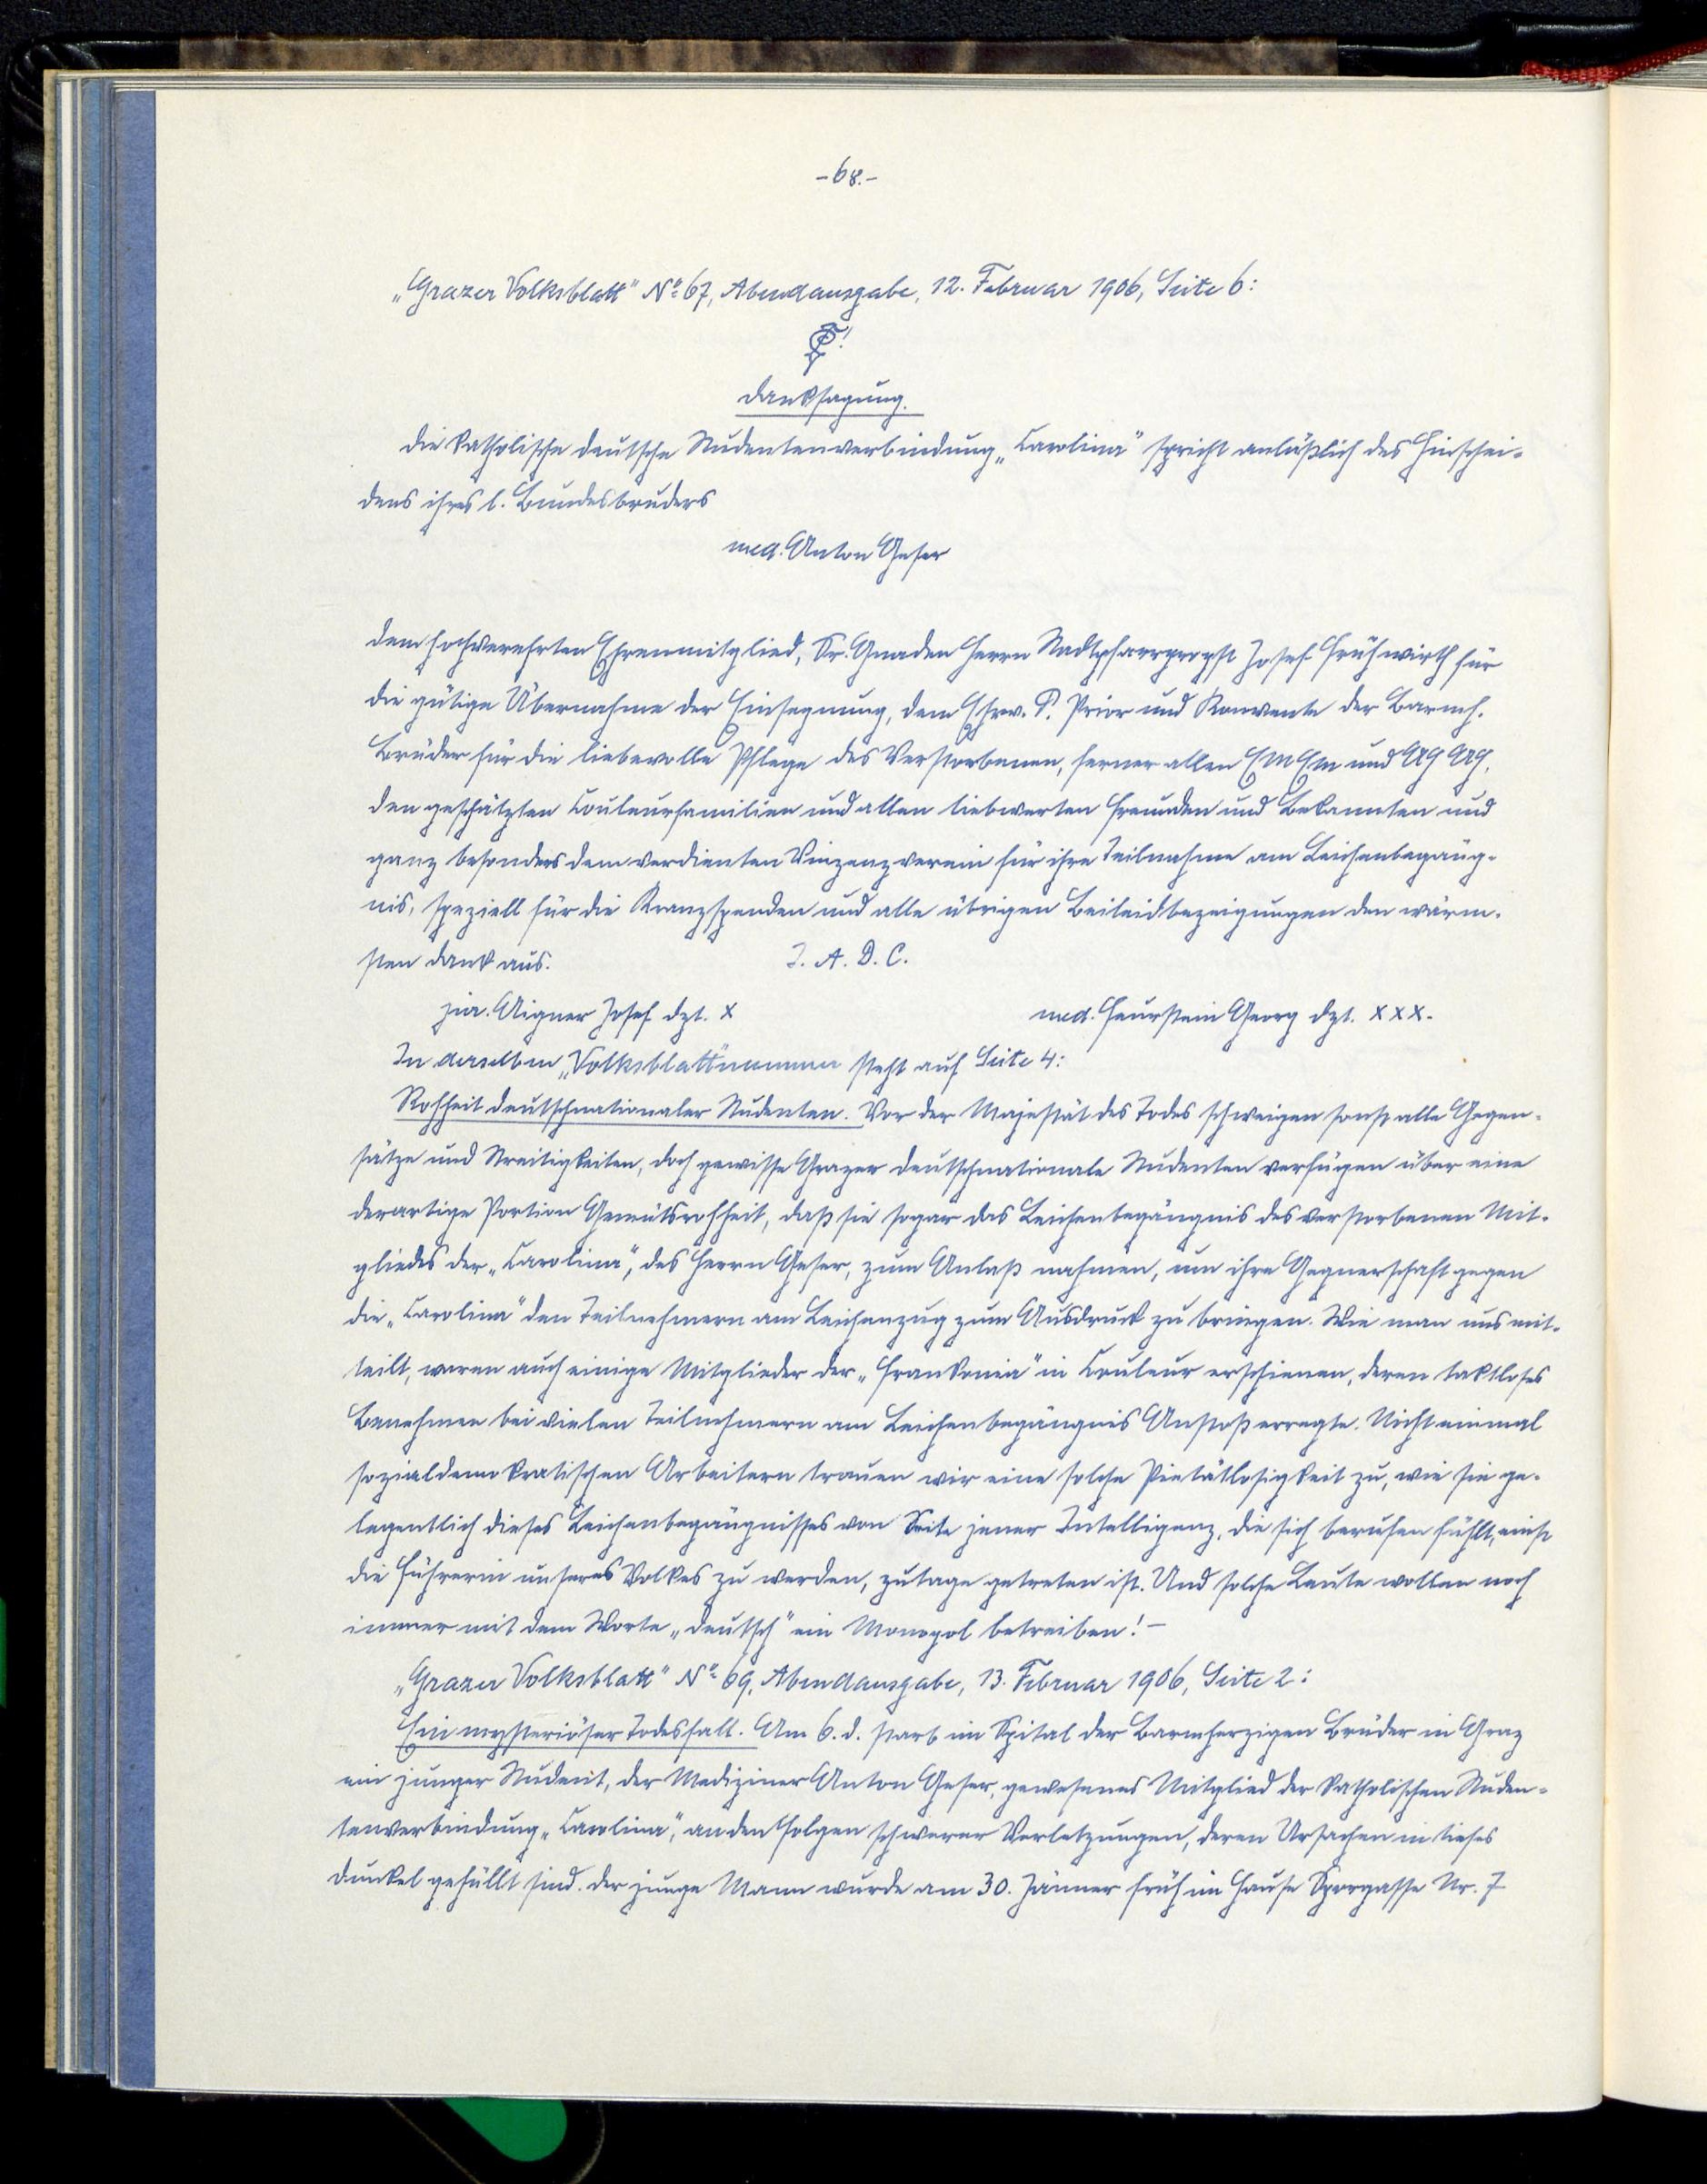68
„Grazer Volksblatt“, Nr. 67, Ausgabe 12. Februar 1906, Seite 6:
Cl!
Danksagung
Die katholische deutsche Studentenverbindung „Carolina“ spricht anläßlich des Hinschei-
dens ihres l. Bundesbruders
med. Anton Geser,
dem hochverehrten Ehrenmitglied, Se. Gnaden Herrn Stadtpfarrprobst, Josef Frühwirth für
die gütige Übernahme der Einsegnung, dem ehrw. P. Prior und Konvente der Barmh.
Brüder für die liebevolle Pflege des Verstorbenen, ferner allen EM EM und AH AH,
den geschätzten Couleurfamilien und allen liebwerten Freunden und Bekannten und
ganz besonders dem verdienten Vinzenzverein für ihre Teilnahme an Leichenbegäng-
nis speziell für die Kranzspenden und alle übrigen Beleidsbezeugungen den wärm-
sten Dank aus.
I. A. D. C.
iur. Aigner Josef dzt. X
med Feurstein Georg dzt. XXX
In derselben „Volksblattnummer“ steht auf Seite 4:
Rohheit deutschnationaler Studenten: Vor der Majestät des Todes Schweigen sonst alle Gegen-
sätze und Streitigkeiten, doch gewisse Grazer deutschnationale Studenten verfügen über eine
derartige Portion Gemütsrohheit, daß sie sogar das Leichenbegägnis des verstorbenen Mit-
glieds der „Carolina“, des Herrn Geser, zum Anlaß nahmen, um ihre Gegnerschaft gegen
die „Carolina“ den Teilnehmern am Leichenzug zum Ausdruck zu bringen. Wie man uns mit-
teilt, waren auch einige Mitglieder der „Frankonia“ in Couleur erschienen, deren taktloses
Benehmen bei vielen Teilnehmern am Leichenbegängnis Anstoß erregte. Nicht einmal
sozialdemokratischen Arbeitern tragen wir eine solche Pietätlosigkeit zu, wie sie ge-
legentlich dieses Leichenbegängnisses von Seite jener Intelligenz, die sich berufen fühlt, einst
die Führerin unseres Volkes zu werden, zutage getreten ist. Solche Leute wollen noch
immer mit dem Worte „Deutsch“ ein Monopol betreiben!
„Grazer Volksblatt“, Nrr 69, Abendausgabe, 13. Februar 1906, Seite 2:
Ein mysteriöser Todesfall. Am 6. d. starb im Spital der Barmherzigen Brüder in Graz
ein junger Student, der Mediziner Anton Geser, gewesenes Mitglied der katholischen Studen-
tenverbindung „Carolina“, an den Folgen schwerer Verletzungen, deren Ursachen in tiefes
Dunkel gehüllt sind. Der junge Mann wurde am 30. Jänner früh im Hause Sporgasse Nr. 7